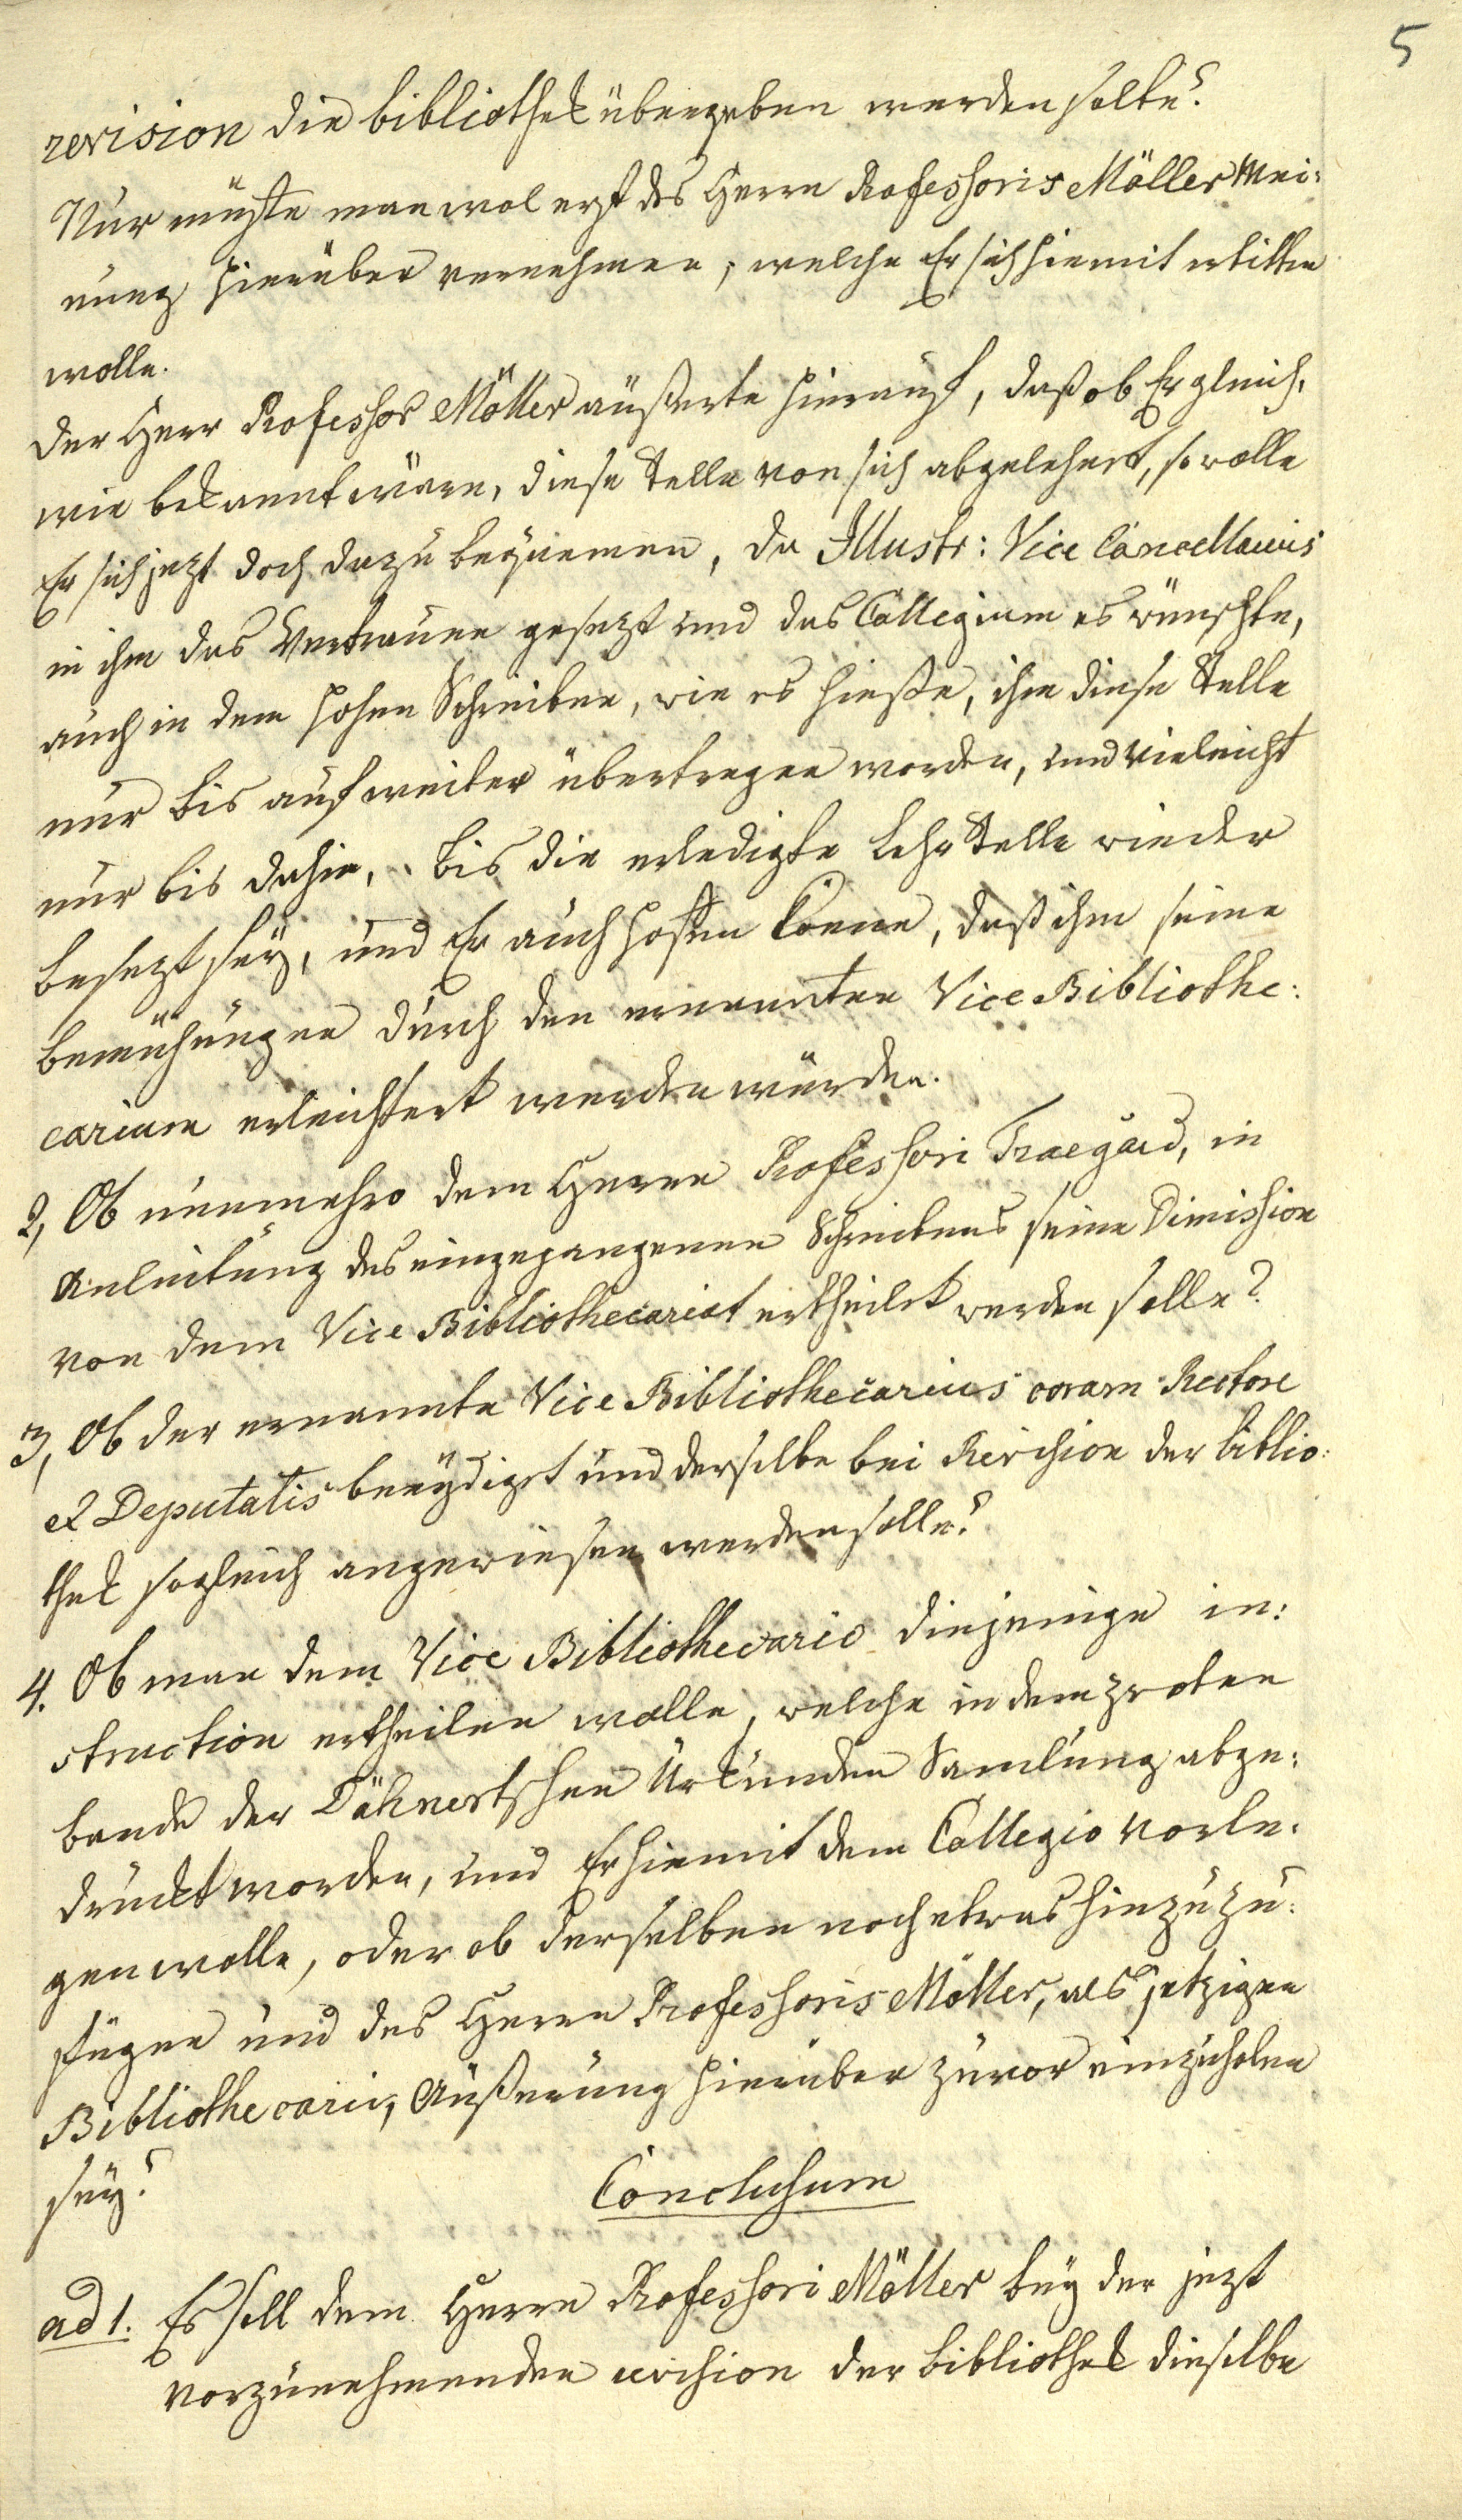revision die Bibliothek übergeben werden solte?
Nur müste man wol erst des Herrn Professoris Möller Mei¬
nung hierüber vernehmen, welche Er sich hiemit erbitten
wolle.
Der Herr Professor Möller äußerte hierauf, daß ob Er gleich¬
wie bekannt wäre, diese Stelle von sich abgelehnet, so wolle
Er sich jezt doch dazu bequemen, da Illustr. Vice Cancellarius
in ihm das Vertrauen gesezt und das Collegium es wünschte,
auch in dem hohen Schreiben, wie es hieße, ihm diese Stelle
nur bis auf weiter übertragen worden, und vieleicht
nur bis dahin, bis die erledigte Lehrstelle wieder
besezt seÿ, und Er auch hoffen könne, daß ihm seine
Bemühungen durch den ernannten Vice Bibliothe¬
carium erleichtert werden würden.
2. Ob nunmehro dem Herrn Professori Traegård, in
Anleitung des eingegangenen Schreibens seine Dimission
von dem Vice Bibliothecariat ertheilet werden solle?
3. Ob der ernannte Vice Bibliothecarius coram Rectore
et Deputatis beeÿdiget und derselbe bei Revision der Biblio¬
thek sogleich angewiesen werden solle?
4. Ob man dem Vice Bibliothecario diejenige in¬
struction ertheilen wolle, welche in dem zwoten
Bande der Dähnertschen Urkunden Samlung abge¬
druckt worden, und Er hiemit dem Collegio vorle¬
gen wolle, oder ob derselben nochetwas hinzuzu¬
fügen und des Herrn Professoris Möller, als jetzigen
Bibliothecarii, Äußerung hierüber zuvor einzuholen
seÿ?
Conclusum
ad 1. Es soll dem Herrn Professori Möller bei der jezt
vorzunehmenden revision der Bibliothek dieselbe